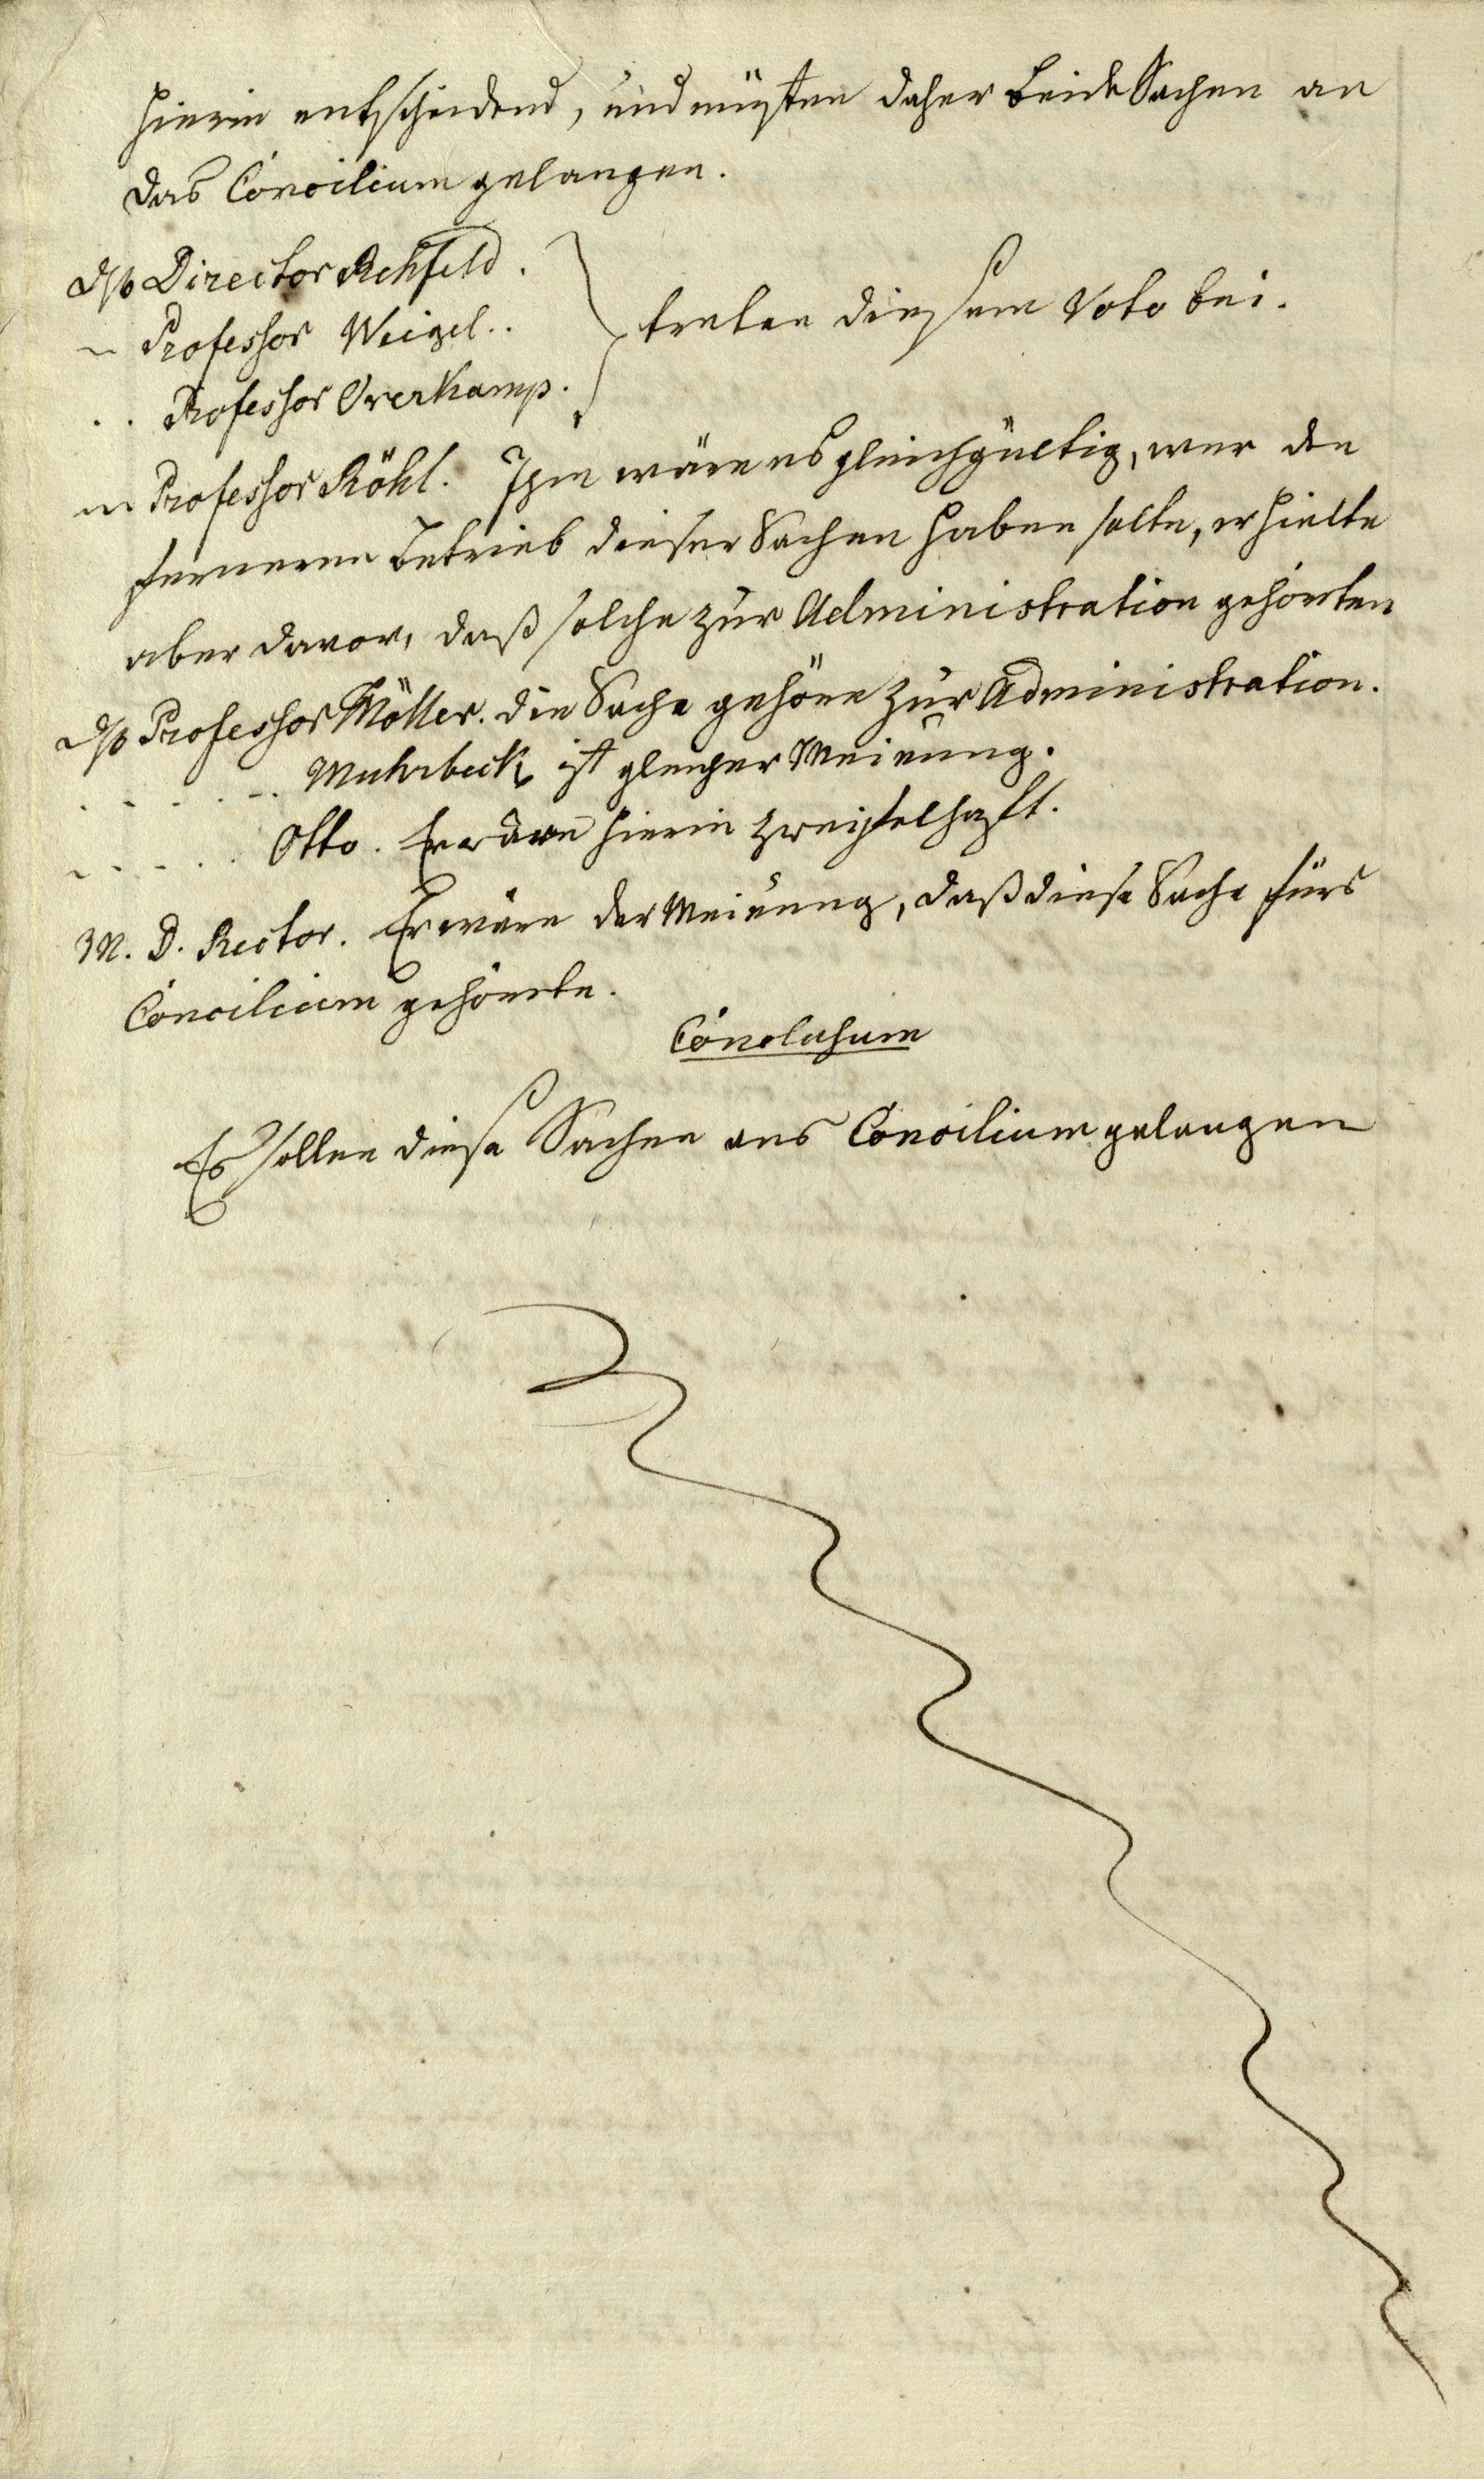hierin entscheidend, und müsten daher beide Sachen an
das Concilium gelangen.
dh Director Rehfeld.
Professor Weigel. treten diesem voto bei.
Professor Overkamp.
Professor Röhl. Ihm wäre es gleichgültig wer den
ferneren Betrieb dieser Sachen haben solte, er hielte
aber davor, daß solche zur Administration gehörten.
dh Professor Möller. die Sache gehöre zur Administration.
Muhrbeck ist gleicher Meinung.
Otto. Er wäre hierin zweifelhaft.
M. D. Rector. Es wäre der Meinung, daß diese Sache fürs
Concilium gehörte.
Conclusum
Es sollen diese Sachen ans Concilium gelangen